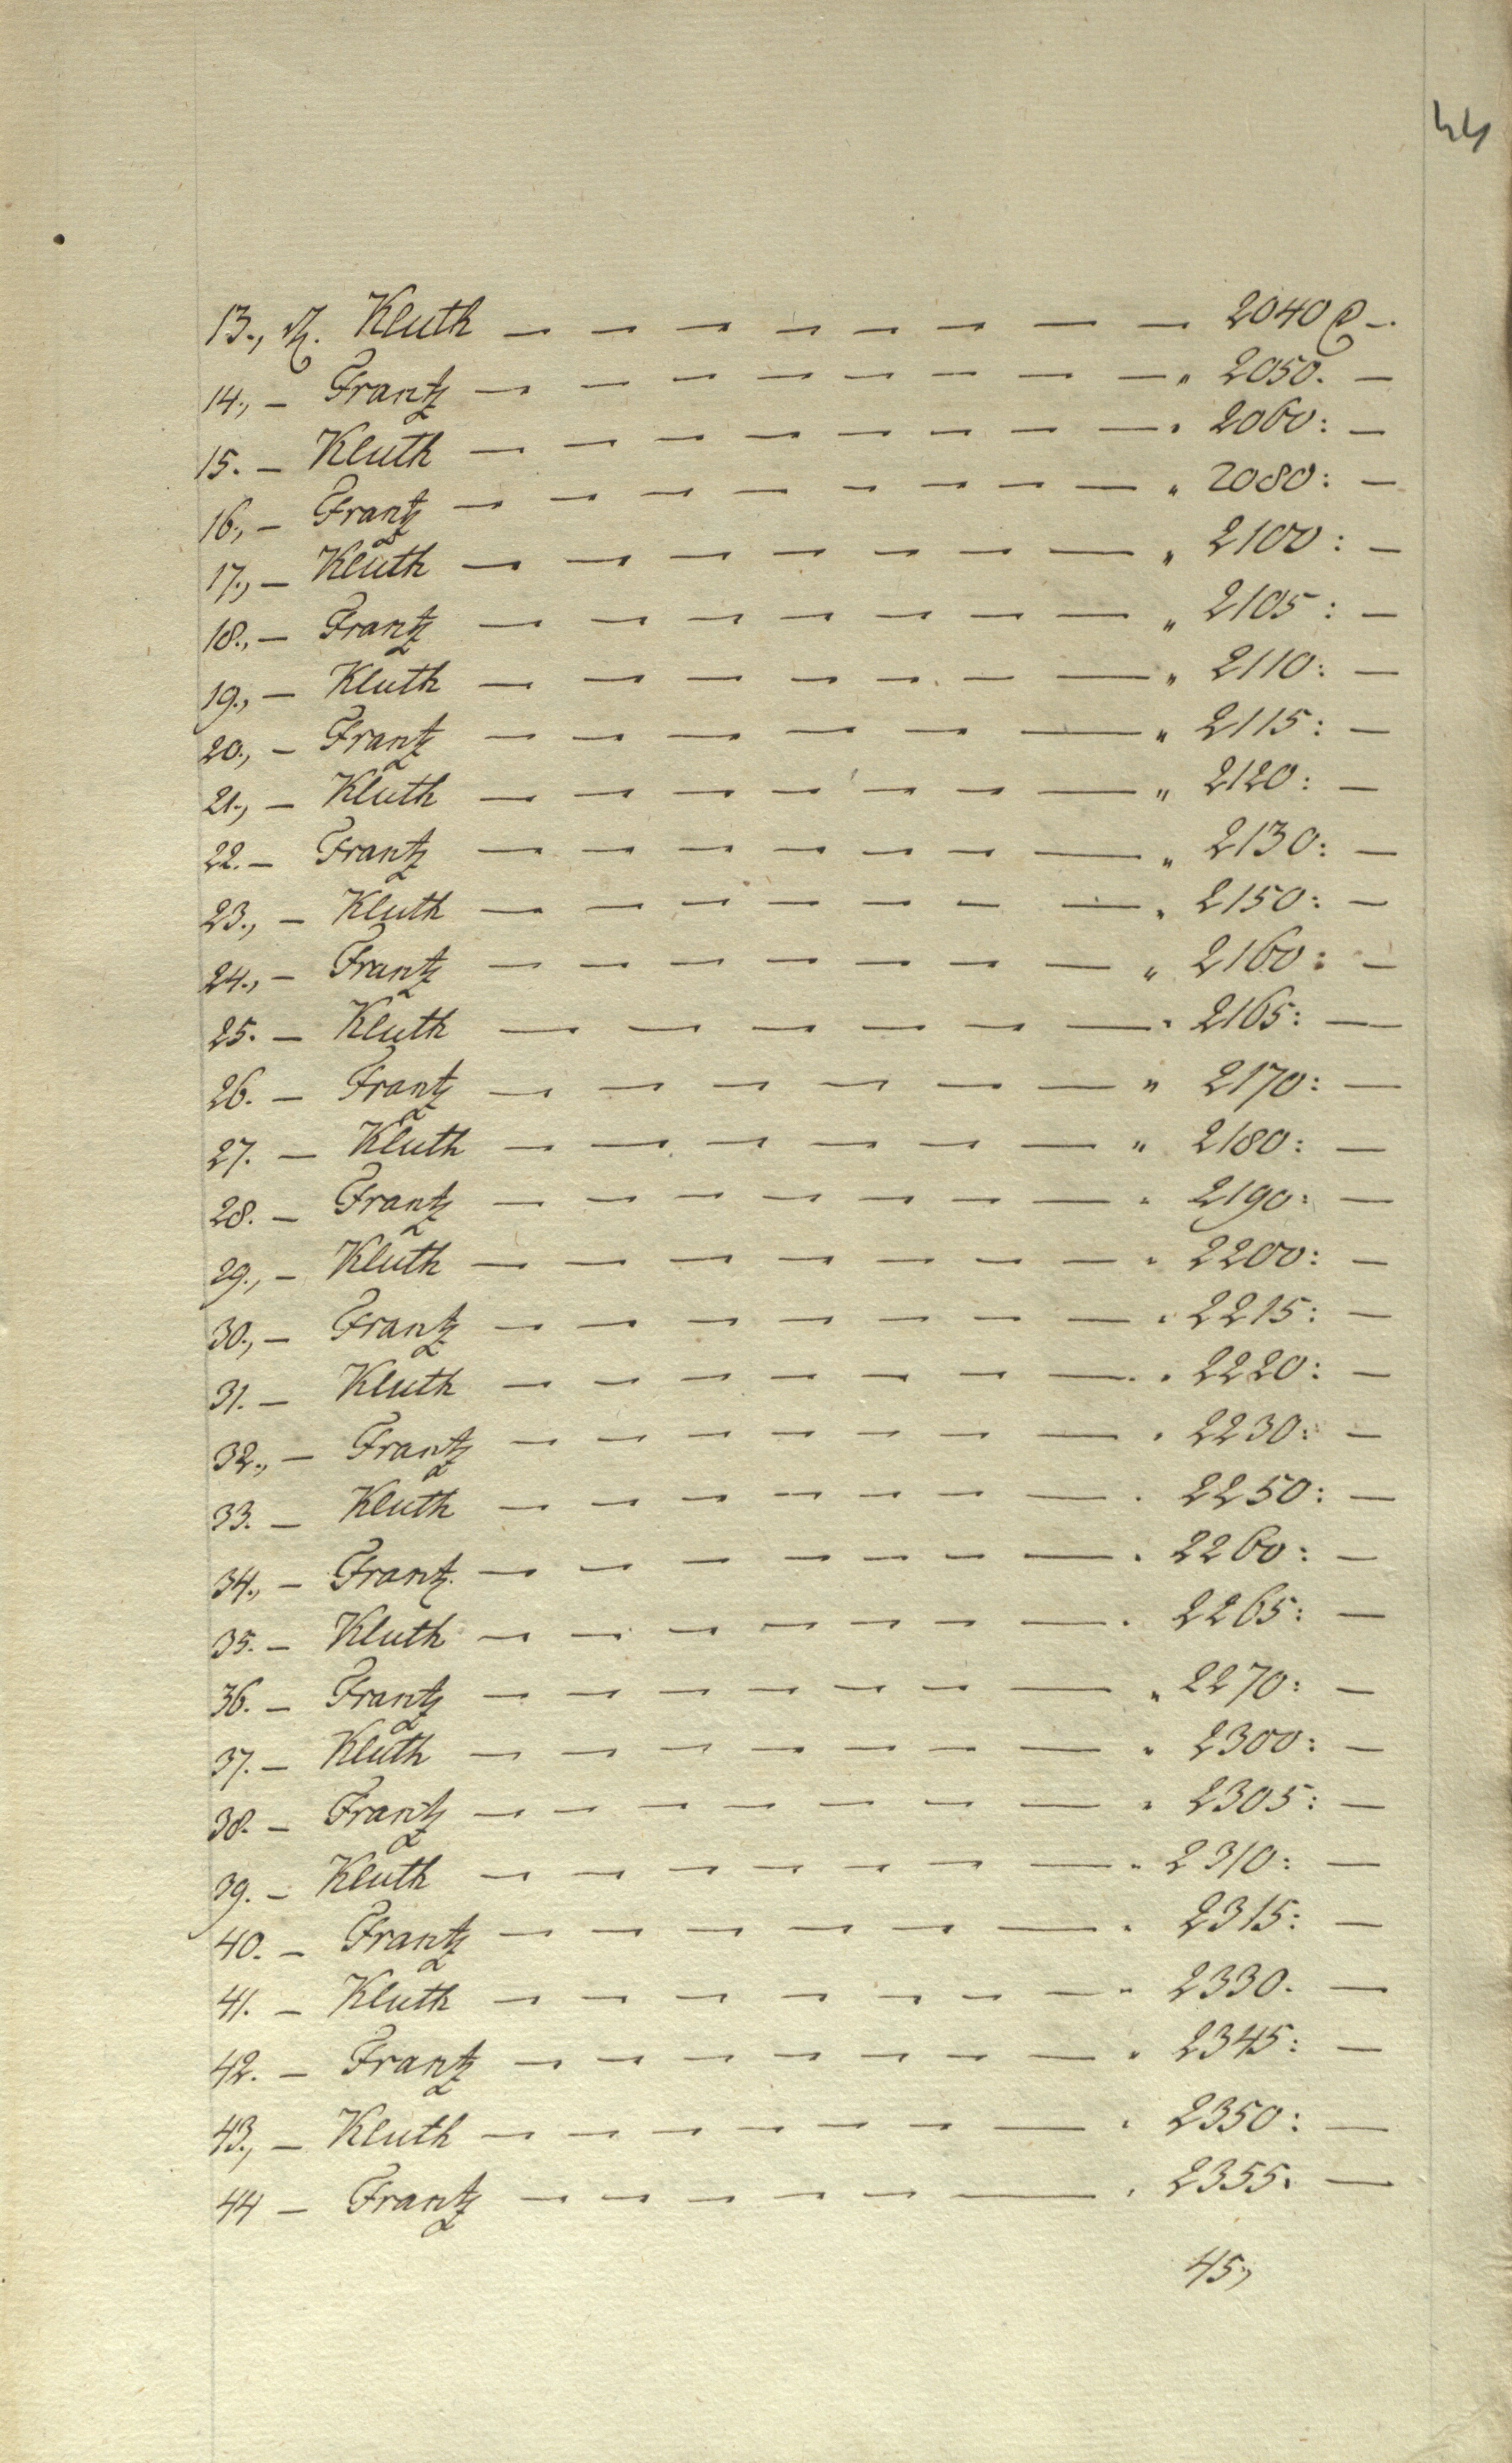13., dh. Kluth 2040 l.
14., Frantz 2050:
15. Kluth 2060:
16., Frantz 2080:
17., Kluth 2100:
18., Frantz 2105:
19., Kluth 2110:
20., Frantz 2115:
21., Kluth 2120:
22. Frantz 2130:
23., Kluth 2150.
24., Frantz 2160:
25. Kluth 2165:
26. Frantz 2170:
27. Kluth 2180:
28. Frantz 2190:
29. Kluth 2200:
30., Frantz 2215:
31. Kluth 2220:
32. Frantz 2230:
33. Kluth 2250:
34., Frantz 2260:
35. Kluth 2265:
36. Frantz 2270:
37. Kluth 2300:
38. Frantz 2305:
39. Kluth 2310:
40. Frantz 2315:
41. Kluth 2330:
42. Frantz 2345:
43., Kluth 2350:
44 Frantz 2355:
45.,